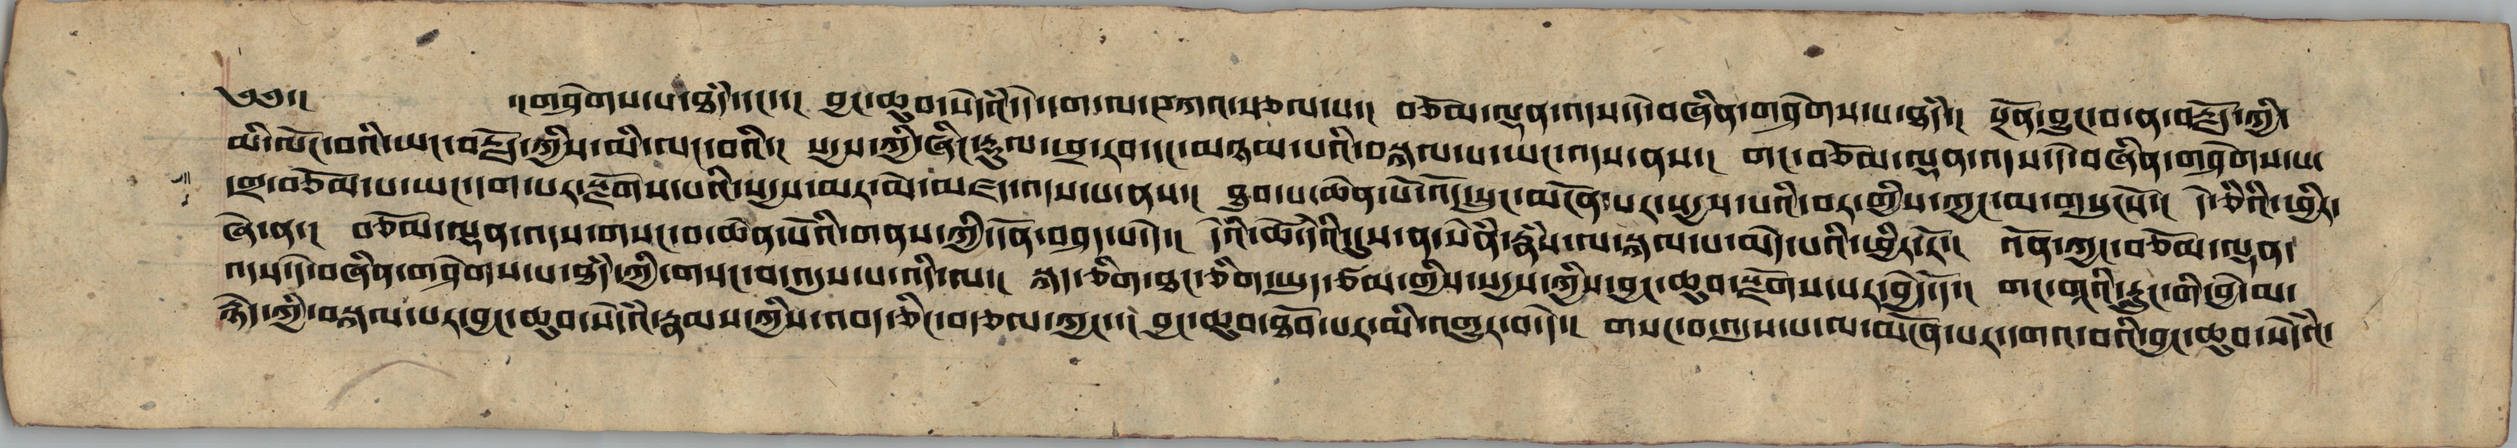༄༅་། ་།གཤེགས་པ་ཐདཾ་དང་་། བྱང་ཆུབ་སེདཾའ་དེ་དག་ལ་བཀའ་སྩལ་པ་། བཅོམ་ལྡན་འདས་དེ་བཞིན་གཤེགས་པ་ཐདཾ་། སྔོན་བྱུང་བ་ན་བརྗོད་ཀྱི་
མི་ལོང་བའི་ཡང་བརྗོད་ཀྱིས་མི་ལང་བའི་། སདྱས་ཀྱི་ཞིང་རྡུལ་ཕྲ་རབ་དང་མཉམ་པའི་བསྐལ་པ་ཡང་འདས་ནས་། གང་བཅོམ་ལྡན་འདས་དེ་བཞིན་གཤེགས་པ་
དགྲ་བཅོམ་པ་ཡང་དག་པར་སྫོགས་པའི་སདྱས་མར་རེ་མཛད་འདས་པ་ནས་། ཐུབ་པ་ཆེན་པོ་འོད་སྲུང་མངོན་པར་སདྱས་པའི་བར་གྱིས་ཀྱང་མ་གསུངསོ་། དེ་ཅིའི་ཕྱིར་
ཞེ་ན་། བཅོམ་ལྡན་འདས་གསང་བ་ཆེན་པོའི་གནས་ཀྱི་དོན་བཤད་པ་དེ་། དེའི་ཚེ་དེའི་དུས་ན་སེཾན་རྣཾས་ལ་སྐལ་པ་མེད་པའི་ཕྱིར་རོ་། འོན་ཀྱང་བཅོམ་ལྡན་
འདས་དེ་བཞིན་གཤེགས་པ་ཐདཾ་ཀྱི་གསང་བ་འདུས་པ་འདི་ལ་། སྐད་ཅིག་ཐང་ཅིག་ཡུད་ཙམ་གྱིས་སདྱས་ཀྱིས་བྱང་ཆུབ་སྫོགས་པར་བྱེད་དོ་། གང་གཱའི་རླུང་གི་བྱེ་མ་
རྙེད་ཀྱི་བསྐལ་པར་བྱང་ཆུབ་སེདཾའ་རྣམས་ཀྱིས་འབད་ཅིང་བརྩལ་ཀྱང་་། བྱང་ཆུབ་ཐོབ་པར་མི་འགྱུར་བ་དེ་། གསང་བ་འདུས་པ་ལ་མངོན་པར་དགའ་བའི་བྱང་ཆུབ་སེདཾའ་